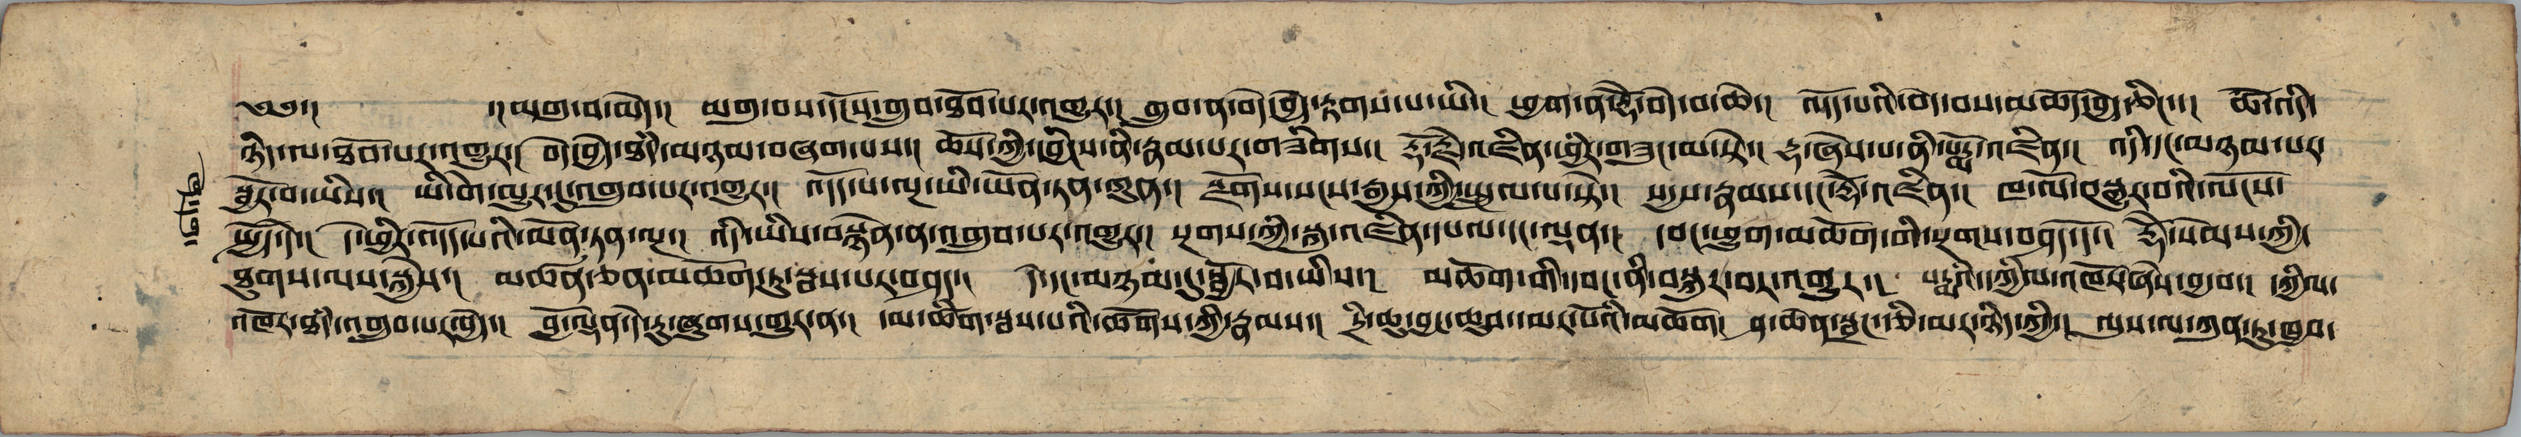༄༅་། ་།མགུ་བ་མེད་། མགུ་བས་དངོས་གྲུབ་ཐོབ་པར་འགྱུར་། གྲུབ་ན་བདེ་བྱེད་རྟགས་པ་ཡི་། ཕྱག་ན་རྡོེ་བདེ་བ་ཆེ་། འདོད་པའི་བདེ་བས་མཆོད་བྱེད་ཅིང་་། ཚེ་འདི་
ཉིད་ལ་ཐོབ་པར་འགྱུར་། བདེ་བྱེད་ཐདཾ་མཉམ་བཞག་པས་། ཆོས་ཀྱི་དབྱིངས་ནི་རྣམ་པར་གཟིགས་། རྡོ་རྗེ་འཛིན་ཕྱིར་གཟུང་མ་སྟེ་། དྷ་ཞེས་པ་ནི་པདྨོ་འཛིན་། འདི་དང་མཉམ་པར་
སྦྱོར་བ་ཡིས་། ཡི་གེ་མྱུར་དུ་འགྲུབ་པར་འགྱུར་། འདོད་པ་ལྔ་ཡི་ཡོན་ཏན་ཀུན་། སྫོགས་སངས་རྒྱས་ཀྱི་སྤྲུལ་པ་སྟེ་། སདྱས་རྣམས་དང་རྡོེ་འཛིན་། ཁ་ལོ་བསྒྱུར་བའི་ལོངས་
སྤྱོད་དེ་། དེ་ཕྱིར་འདོད་པའི་ཡོན་ཏན་ལྔ་། འདི་ཡིས་བསྙེན་ན་འགྲུབ་པར་འགྱུར་། སྔགས་ཀྱི་སྐུ་འཛིན་དཔལ་དང་ལྡན་། དབང་ཕྱུག་མཆོག་གི་སྔགས་བཤད་དོ་། རྡོེ་སེམས་ཀྱི་
ཐུགས་ལས་སྐྱེས་། མཚན་ཅན་མཆོག་ཏུ་སྦས་པར་བཤད་། དེ་དང་མཉམ་དུ་སྦྱོར་བ་ཡིས་། མཆོག་གི་དབང་ནི་བསྐུར་བར་འགྱུར་། པདྨའི་དཀྱིལ་འཁོར་ཞེས་བྱ་བ་། དཀྱིལ་
འཁོར་ཐཾད་འགྲུབ་པར་བྱེད་། བློ་ལྡན་དེ་རུ་ཞུགས་གྱུར་ན་། དམ་ཚིག་སྦས་པའི་ཚོགས་ཀྱི་རྣམས་། དྲི་ཆུ་བྱང་ཆུབ་དམར་པོའི་མཆོག་། ཤ་ཆཻན་སྦྲང་རྩི་མར་ཉིད་ཀྱི་། ལུས་ལ་ཀུན་ཏུ་ཁྱབ་